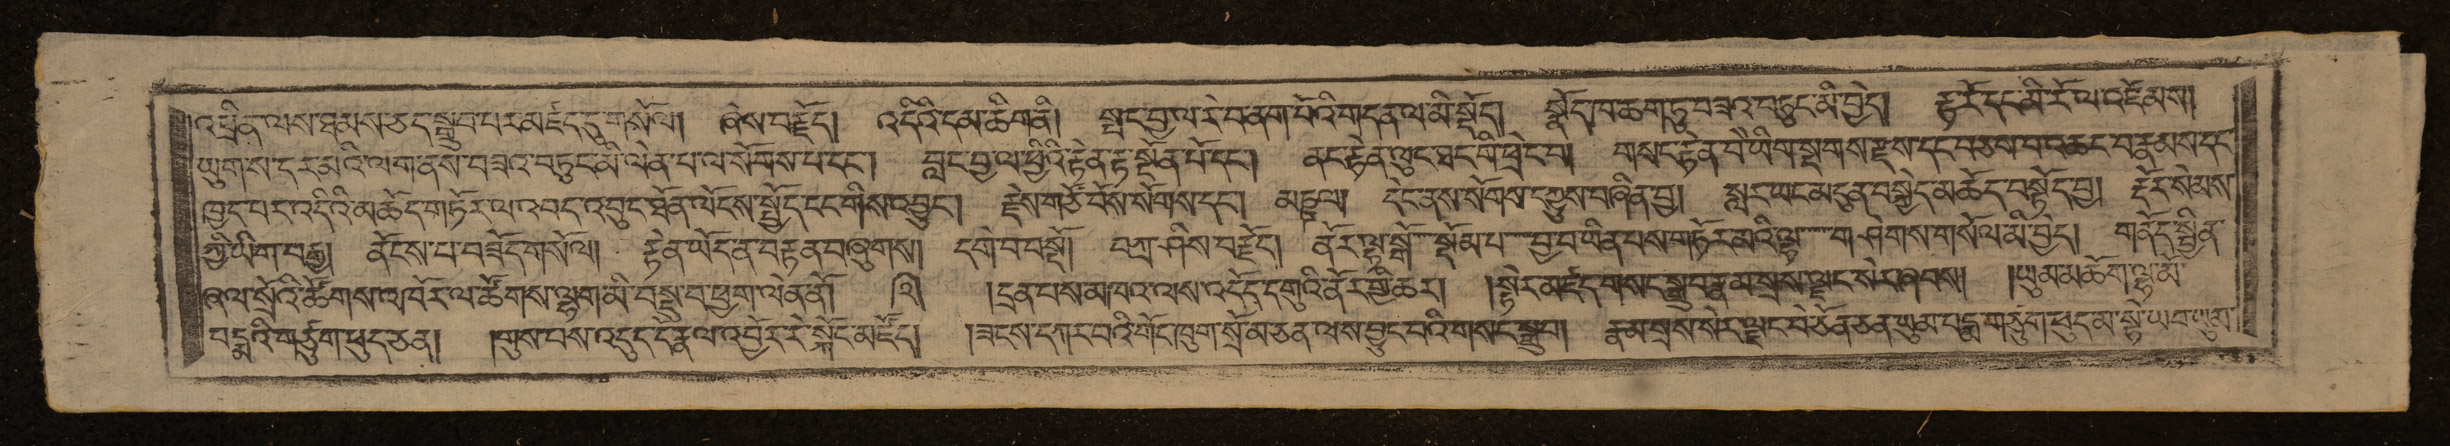འཕྲིན་ལས་ཐམས་ཅད་སྒྲུབ་པར་མཛད་དུ་གསོལ། ཞེས་བརྗོད། འདིའི་དམ་ཚིག་ནི། སྤང་བྱ་ལ་རེ་བ་ནག་པོའི་གདན་ལ་མི་སྡོད། སྣོད་ཁ་ཆག་ཏུ་བཟའ་བཏུང་མི་བྱེད་རྟ་རོ་དང་མི་རོ་ལ་འཛོམས།
ལུགས་དར་མའི་ལག་ནས་བཟའ་བཏུང་མི་ལེན་པ་ལ་སོགས་པ་དང་། བླང་བྱ་ལ་ཕྱིའི་རྟེན་རྟ་སྔོན་པོ་དང་། ནང་རྟེན་ལུང་ཐང་གི་ཕྲེང་བ། གསང་རྟེན་བཻ་ཡིག་སྔགས་རྫས་དང་བཅས་བ་འཆང་བ་རྣམས་དང་
ཁྱད་པར་འདིའི་མཆོད་གཏོར་ལ་འབད་འབུད་ཐོན་ལོངས་སྤྱོད་དང་གིས་འབྱུང་། རྗེས་གཙོ་བོས་སོགས་དང་། མཎྜལ། དེང་ནས་སོགས་དཀྱུས་བཞིན་བྱ། སླར་ཡང་མདུན་བསྐྱེད་མཆོད་བསྟོད་བྱ། རྡོར་སེམས་
ཀྱི་ཡིག་བརྒྱ། ནོངས་པ་བཟོད་གསོལ། རྟེན་ཡེད་ན་བརྟན་བཞུགས། དགེ་བ་བསྔོ། བཀྲ་ཤིས་བརྗོད། ནོར་ལྷ་སྒོ་སྡོམ་པ་བྱ་བ་ཡིན་པས་གཏོར་མའི་ལྷ་གཤེགས་གསོལ་མི་བྱེད། གནོད་སྦྱིན་
ཞལ་སེའི་ཚོགས་འཁོར་ལ་ཚོགས་ལྷག་མི་བསྡུ་བ་ཕྱག་ལེན་ནོ། ༢?་།དྲན་པས་མཁའ་ལས་འདོད་དགུའི་ནོར་གྱི་ཆར། །སྟེར་མཛད་གསང་སྒྲུབ་རྣམ་སྲས་ལྗང་སེར་ཞབས། །ཡུམ་མཆོག་ལྷ་མོ་
པདམའི་གཙུག་ཕུད་ཅན། །གུས་པས་འདུད་དོ་རྣལ་འབྱོར་རེ་སྐོང་མཛོད། །ཟངས་དཀར་བའི་གོང་ཁུག་སྲོ་མ་ཅན་ལས་བྱུང་བའི་གསང་སྒྲུབ། རྣམ་སྲས་སེར་ལྗང་བེ་ཅོན་ཅན་ཡུམ་པདམ་གཙུག་ཕུད་མ་སྟེ་ཡབ་ཡུམ་